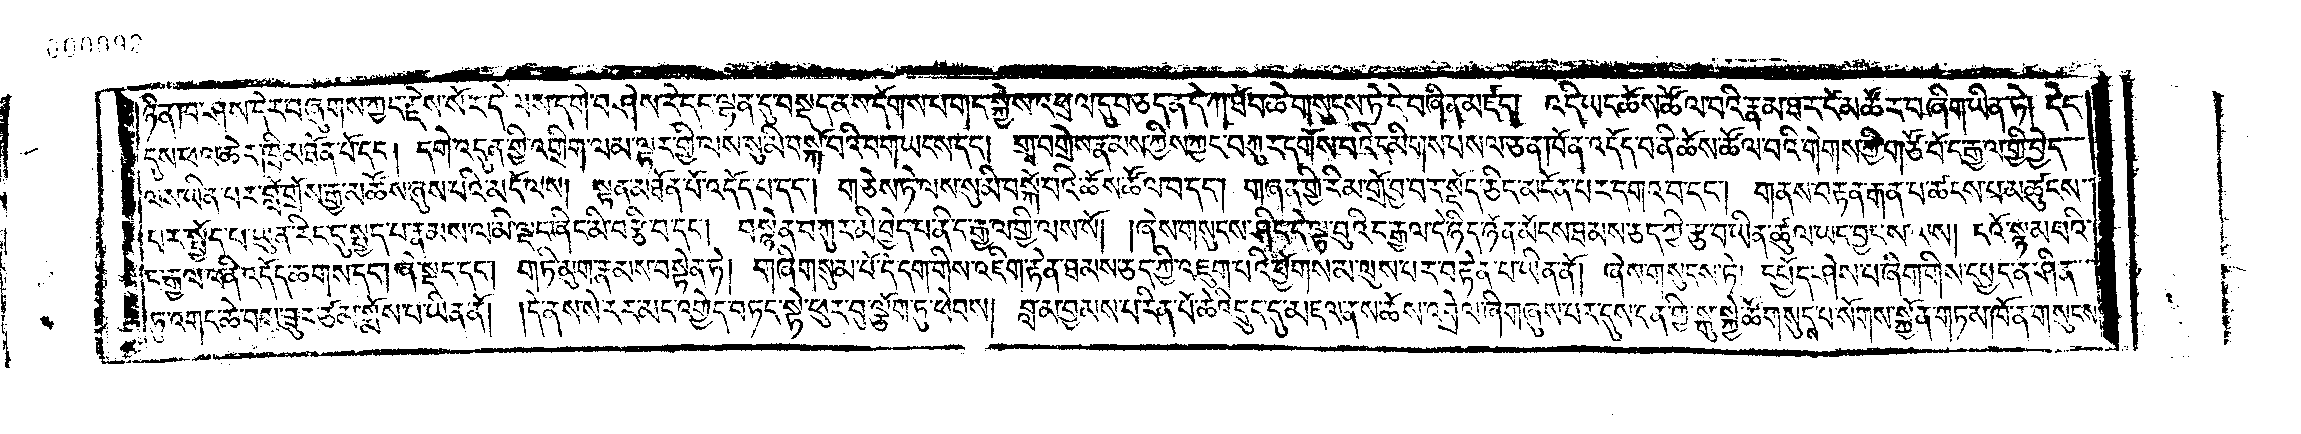ཉིན་ཁ་ཤས་དེར་བཞུགས་ཀྱང་རྗེས་སོར་དེ་ལས་དགེ་བཤེས་རེ་དང་ལྷན་དུ་བསྡད་ནས་དོགས་པ་གང་སྐྱེས་འཕྲལ་དུ་བཅད་ན་དེ་ཀ་ཐོབ་ཆེ་གསུངས་ཏེ་དེ་བཞིན་མཛད། འདི་ཡང་ཆོས་ཚོལ་བའི་རྣམ་ཐར་ངོ་མཚར་བ་ཞིག་ཡིན་ཏེ། དེང་
དུས་ཕལ་ཆེར་ཁྲི་མཐོན་པོ་དང་། དགེ་འདུན་གྱི་འགྲིག་ལམ་ལྟར་གྱི་ལས་སུ་མི་བསྐོ་བའི་བག་ཡངས་དང་། གྲྭ་བགྲེས་རྣམས་ཀྱིས་ཀྱང་བཀུར་དགོས་པའི་དམིགས་བསལ་ཅན་ཁོ་ན་འདོད་པ་ནི་ཆོས་ཚོལ་བའི་གེགས་ཀྱི་གཙོ་བོ་ང་རྒྱལ་གྱི་བྱེད་
ལས་ཡིན་པར་བློ་གྲོས་རྒྱ་མཚོས་ཞུས་པའི་མདོ་ལས། སྟན་མཐོན་པོ་འདོད་པ་དང་། གཅེས་ཏེ་ལས་སུ་མི་བསྐོ་བའི་ཆོས་ཚོལ་བ་དང་། གཞན་གྱི་རིམ་གྲོ་བྱ་བར་སྡོད་ཅིང་མངོན་པར་དགའ་བ་དང་། གནས་བརྟན་རྒན་པ་ཚངས་པ་མཚུངས་
པར་སྤྱོད་པ་ཡུན་རིང་དུ་སྤྱད་པ་རྣམས་ལ་མི་ལྡང་ཞིང་མི་བརྩི་བ་དང་། བསྙེན་བཀུར་མི་བྱེད་པ་ནི་ང་རྒྱལ་གྱི་ལས་སོ། །ཞེས་གསུངས་ཤིང་དེ་ལྟ་བུའི་ང་རྒྱལ་དེ་ཉིད་ཉོན་མོངས་ཐམས་ཅད་ཀྱི་རྩ་བ་ཡིན་ཚུལ་ཡང་བྱང་ས་ལས། ངའོ་སྙམ་པའི་
ང་རྒྱལ་ལ་ནི་འདོད་ཆགས་དང་། ཞེ་སྡང་དང་། གཏི་མུག་རྣམས་བསྟེན་ཏེ། གཞི་གསུམ་པོ་དེ་དག་གིས་འཇིག་རྟེན་ཐམས་ཅད་ཀྱི་འཇུག་པའི་ཕྱོགས་མ་ལུས་པར་བརྟེན་པ་ཡིན་ནོ། ཞེས་གསུངས་ཏེ། དཔྱོད་ཤེས་པ་ཞིག་གིས་དཔྱད་ན་ཤིན་
ཏུ་འགང་ཆེ་བས་ཟུར་ཙམ་སྨོས་བ་ཡིན་ནོ། །དེ་ནས་སེ་རར་མང་འགྱེད་བཏང་སྟེ་ཕུར་བུ་ལྕོག་ཏུ་ཕེབས། བླ་མ་བྱམས་པ་རིན་པོ་ཆེའི་དྲུང་དུ་མཇལ་ནས་ཆོས་འབྲེལ་ཞིག་ཞུས་པར་དུས་ངན་གྱི་སྐུ་སྐྱེ་ཚོ་གསུང་བ་སོགས་སྐྱོན་གཏམ་ཁོ་ན་གསུངས་